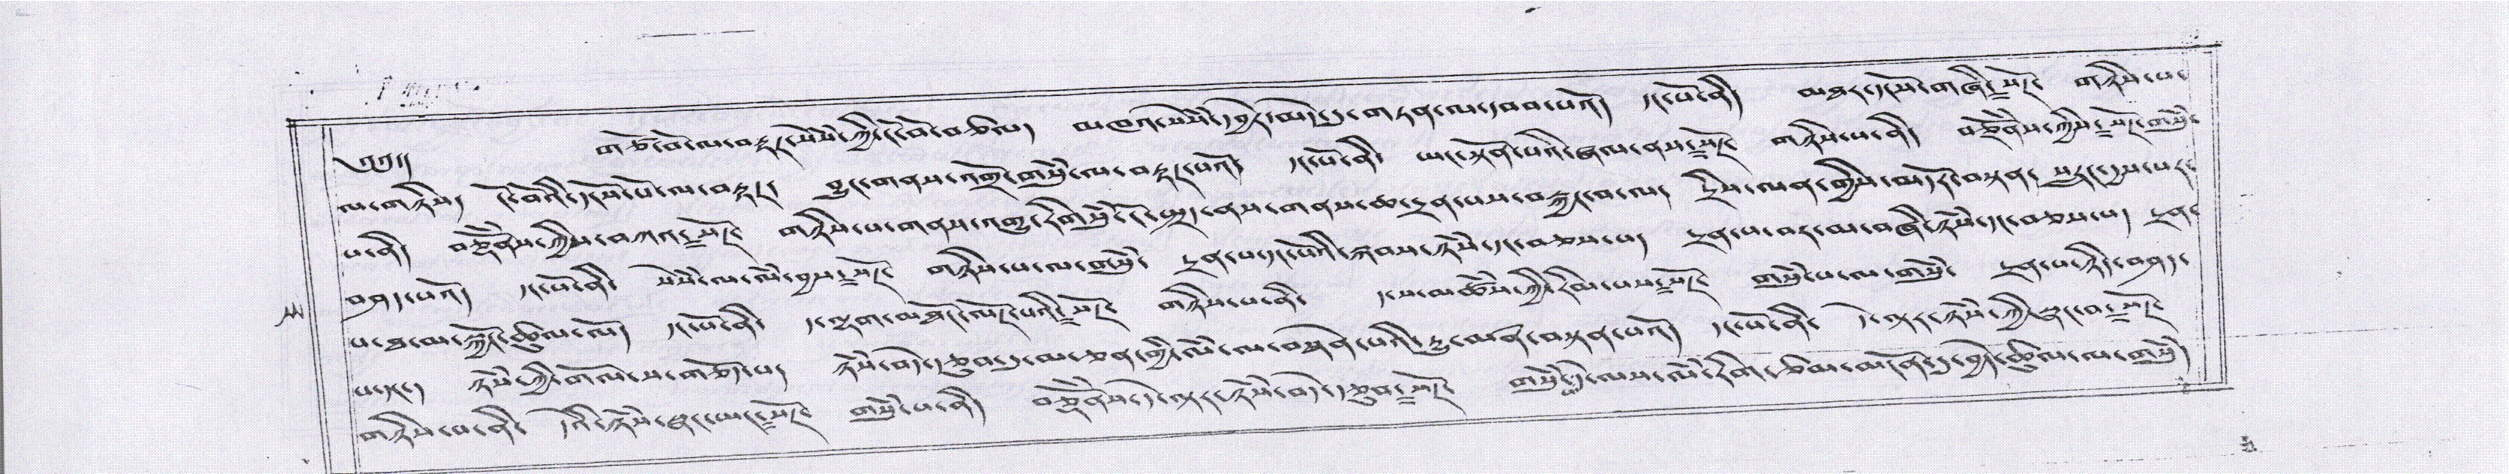གཙོ་བོ་ལ་བརྟགས་སེམས་ཀྱི་ངོ་བོ་བཙལ། མཁའ་སེམས་དབྱེར་མེད་དུ་གཏན་ལ་དབབ་པའོ། དང་པོ་ནི། མཐར་དངོས་གཞི་སོགས། གཉིས་པ་
ལ་གཉིས། ངོ་བོའི་དངོས་པོ་ལ་བརྟགས། བྱུང་གནས་འགྲོ་གསུམ་ལ་བརྟགས་པའོ། དང་པོ་ནི། ཡང་སྟོན་པའི་ཞལ་ནས་སོགས། གཉིས་པ་ནི། བཅོམ་ལྡན་འདས་ཀྱིས་སོགས་གསུམ་
པ་ནི། བཅོལ་ལྡན་འདས་ཀྱི་བཀའ་སོགས། གཉིས་པ་གནས་འགྱུ་རིག་གསུམ་ངོ་སྤྲད་ནས་གནས་ཆ་དྲན་པས་བརྐྱང་བ་ལ། དྲིས་ལན་གྱིས་མདོར་བསྟན། སླར་ཡང་རྒྱས་པར་
བཤད་པའོ། དང་པོ་ནི། སེམས་ལ་ལམ་བྱས་སོགས། གཉིས་པ་ལ་གསུམ། དྲན་པ་དང་པོའི་སྐབས་ཉམས་དང་བཅས་པ། དྲན་པ་བར་མ་བཞི་ཉམས་དང་བཅས་པ། དྲན་
པ་ཐ་མ་སྐྱོང་ཚུལ་ལོ། དང་པོ་ནི། ད་ལྷག་མཐོང་ལོགས་པའི་སོགས། གཉིས་པ་ནི། ད་ས་མཚམས་ཀྱི་རིམ་པས་སོགས། གསུམ་པ་ལ་གསུམ། དྲན་པ་ཉིད་བཤད་
པ་དང། ཉམས་ཀྱི་གོལ་ས་གཅོད་པ། ཉམས་བདེ་རྩུབ་དུ་མ་ཅན་གྱི་ལམ་ལ་བསྟེན་པའི་རྒྱུ་མཚན་བསྟན་པའོ། དང་པོ་ནི། དེ་ལྟར་ཉམས་ཀྱི་སྣང་བ་སོགས་
གཉིས་པ་ནི། དེའི་ཉམས་སྣང་ཡང་སོགས། གསུམ་པ་ནི། བཅོམ་ལྡན་འདས་དེ་ལྟར་ཉམས་བདེ་རྩུབ་སོགས། གསུམ་པ་དེ་ལས་ལམ་རིག་ཙམ་མངོན་དུ་བྱེད་ཚུལ་ལ་གསུམ།